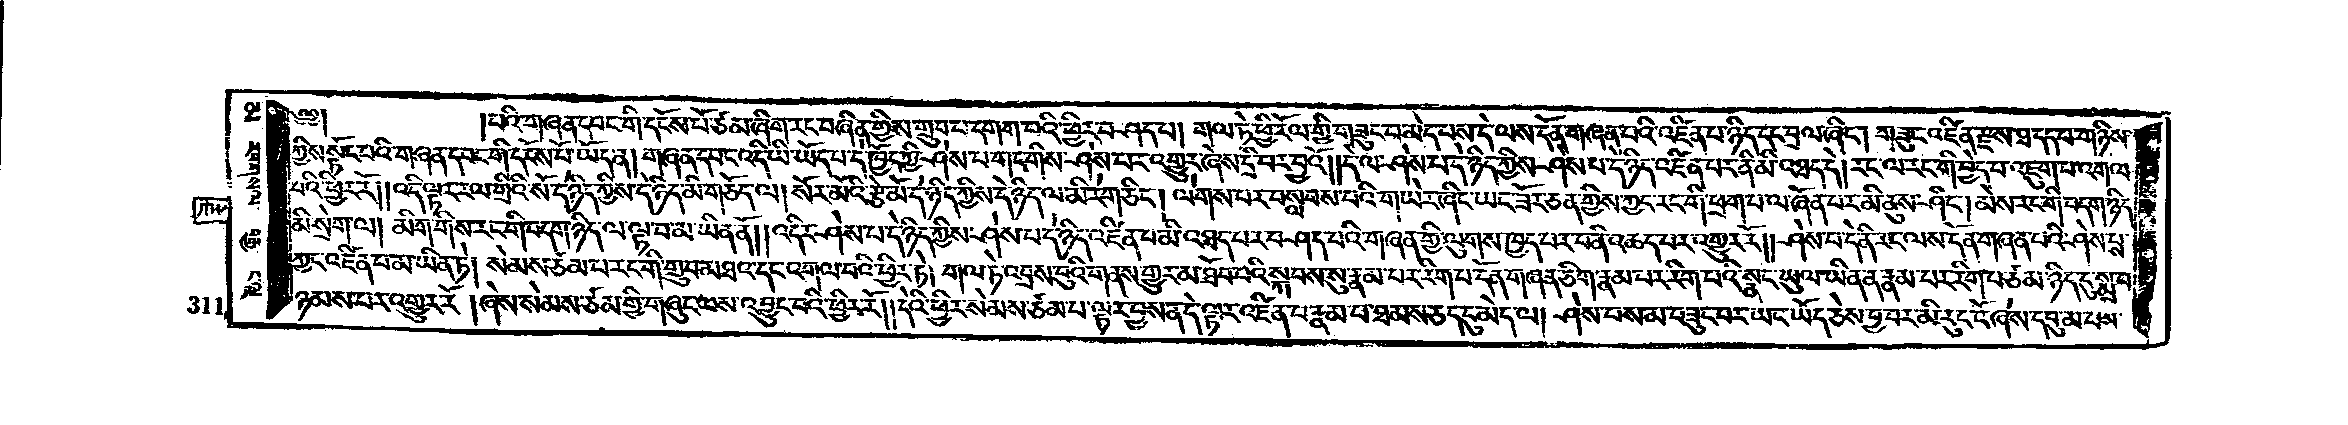༄༅། །པའི་གཞན་དབང་གི་དངོས་པོ་ཙམ་ཞིག་རང་བཞིན་གྱིས་གྲུབ་པ་དགག་པའི་ཕྱིར་བཤད་པ། གལ་ཏེ་ཕྱི་རོལ་གྱི་གཟུང་བ་མེད་པས་དེ་ལས་དོན་གཞན་པའི་འཛིན་པ་ཉིད་དང་བྲལ་ཞིང་། གཟུང་འཛིན་རྫས་ཐ་དད་པ་གཉིས་
ཀྱིས་སྟོང་པའི་གཞན་དབང་གི་དངོས་པོ་ཡོད་ན། གཞན་དབང་འདི་ཡི་ཡོད་པ་དེ་ཁྱོད་ཀྱི་ཤེས་པ་གང་གིས་ཤེས་པར་འགྱུར་ཞེས་དྲི་བར་བྱའོ། །དེ་ལ་ཤེས་པ་དེ་ཉིད་ཀྱིས་ཤེས་པ་དེ་ཉིད་འཛིན་པར་ནི་མི་འཐད་དེ། རང་ལ་རང་གི་བྱེད་པ་འཇུག་པ་འགལ་
པའི་ཕྱིར་རོ། །འདི་ལྟར་རལ་གྲིའི་སོ་དེ་ཉིད་ཀྱིས་དེ་ཉིད་མི་གཅོད་ལ། སོར་མོའི་རྩེ་མོ་དེ་ཉིད་ཀྱིས་དེ་ཉིད་ལ་མི་རེག་ཅིང་། ལེགས་པར་བསླབས་པའི་གཡེར་ཞིང་ཡང་ཟོར་ཅན་གྱིས་ཀྱང་རང་གི་ཕྲག་པ་ལ་ཞོན་པར་མི་ནུས་ཤིང་། མེས་རང་གི་བདག་ཉིད་
མི་སྲེག་ལ། མིག་གིས་རང་གི་བདག་ཉིད་ལ་ལྟ་བ་མ་ཡིན་ནོ། །འདིར་ཤེས་པ་དེ་ཉིད་ཀྱིས་ཤེས་པ་དེ་ཉིད་འཛིན་པ་མི་འཐད་པར་བཤད་པའི་གཞན་གྱི་ལུགས་ཁྱད་པར་བ་ནི་འཆད་པར་འགྱུར་རོ། །ཤེས་པ་དེ་ནི་རང་ལས་དོན་གཞན་པའི་ཤེས་པས་
ཀྱང་འཛིན་པ་མ་ཡིན་ཏེ། སེམས་ཙམ་པ་རང་གི་གྲུབ་མཐའ་དང་འགལ་བའི་ཕྱིར་ཏེ། གལ་ཏེ་འབྲས་བུའི་གནས་གྱུར་མ་ཐོབ་པའི་སྐབས་སུ་རྣམ་པར་རིག་པ་དོན་གཞན་ཅིག་རྣམ་པར་རིག་པའི་སྣང་ཡུལ་ཡིན་ན་རྣམ་པར་རིག་པ་ཙམ་ཉིད་དུ་སྨྲ་བ་
ཉམས་པར་འགྱུར་རོ། ཞེས་སེམས་ཙམ་གྱི་གཞུང་ལས་འབྱུང་བའི་ཕྱིར་རོ། །དེའི་ཕྱིར་སེམས་ཙམ་པ་ལྟར་བྱས་ན་དེ་ལྟར་འཛིན་པ་རྣམ་པ་ཐམས་ཅད་དུ་མེད་ལ། ཤེས་པས་མ་བཟུང་བར་ཡང་ཡོད་ཅེས་བྱ་བར་མི་རུང་ངོ་ཞེས་དབུ་མ་པས་